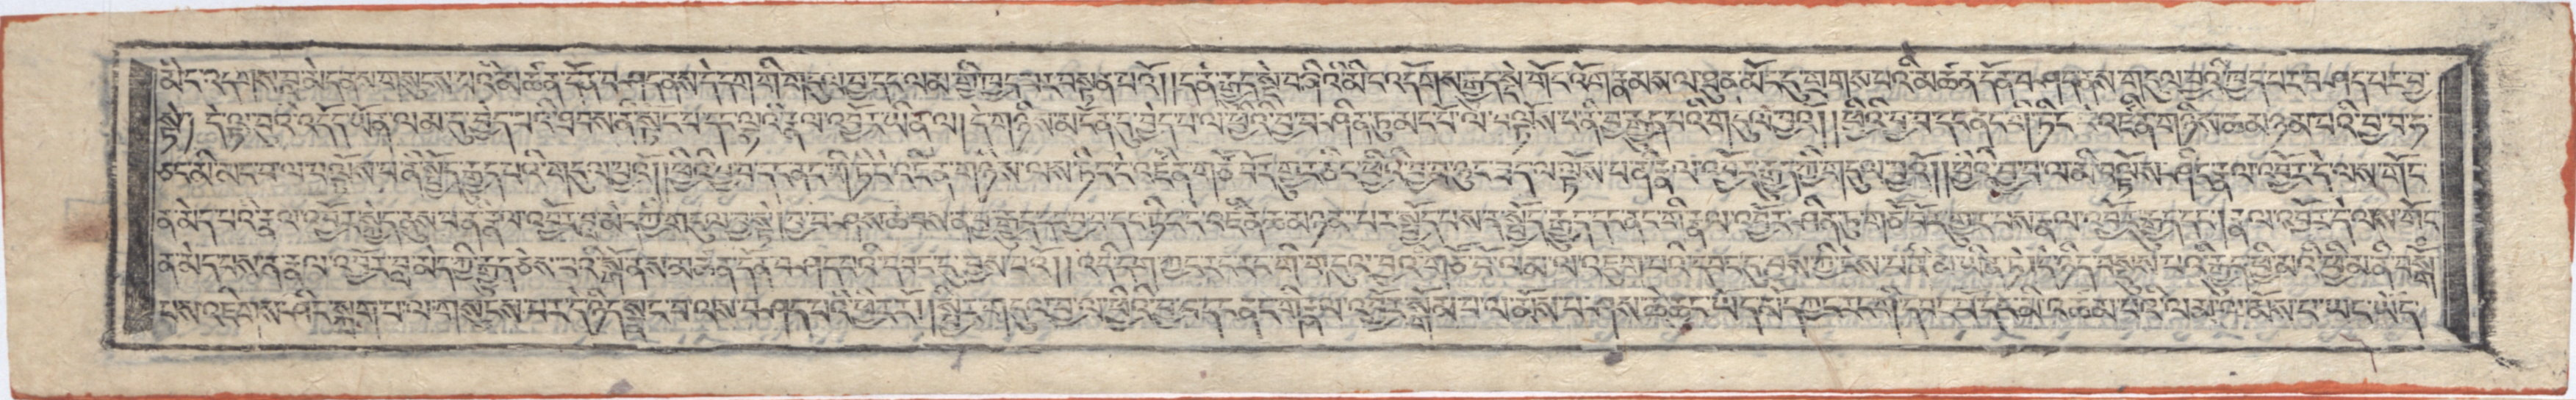མིང་འདགས་བླ་མེད་ནས་གསུངས་པའི་མཚན་དོན་བཤད་ནས་དེ་དག་གི་གདུལ་བྱ་དང་ལམ་གྱི་ཁྱད་པར་བསྟན་པའོ། །ད་ནི་རྒྱུད་སྡེ་བཞིའི་མིང་འདོགས་རྒྱུད་སྡེ་གོང་འོག་རྣམས་ལ་ཐུན་མོང་དུ་གྲགས་པའི་མཚན་དོན་བཤད་ནས་གདུལ་བྱའི་ཁྱད་པར་བཤད་པར་བྱ་
སྟེ༑ དེ་ལྟ་བུའི་འདོད་ཡོན་ལམ་དུ་བྱེད་པའི་ཐབས་ནི་སྟོང་པ་དང་ལྷའི་རྣལ་འབྱོར་ཡིན་ལ། དེ་གཉིས་མངོན་དུ་བྱེད་པ་ལ་ཕྱིའི་བྱ་བ་ཤིན་ཏུ་མང་པོ་ལ་བལྟོས་པ་ནི་བྱ་རྒྱུད་པའི་གདུལ་བྱའོ། །ཕྱིའི་བྱ་བ་དང་ནང་གི་ཏིང་ངེ་འཛིན་གཉིས་ཆ་མཉམ་པའི་བྱ་བ་ཧ་
ཅང་མི་མང་བ་ལ་བལྟོས་པ་ནི་སྤྱོད་རྒྱུད་པའི་གདུལ་བྱའོ། །ཕྱིའི་བྱ་བ་དང་ནང་གི་ཏིང་ངེ་འཛིན་གཉིས་ལས་ཏིང་ངེ་འཛིན་གཙོ་བོར་གྱུར་ཅིང་ཕྱིའི་བྱ་བ་ཉུང་ཟད་ལ་ལྟོས་པ་ནི་རྣལ་འབྱོར་རྒྱུད་ཀྱི་གདུལ་བྱའོ། །ཕྱིའི་བྱ་བ་ལ་མི་བལྟོས་ཤིང་རྣལ་འབྱོར་དེ་ལས་གོང་
ན་མེད་པའི་རྣལ་འབྱོར་སྐྱེད་ནུས་པ་ནི་རྣལ་འབྱོར་བླ་མེད་ཀྱི་གདུལ་བྱ་སྟེ། བྱ་བ་ཤས་ཆེ་བས་ན་བྱ་རྒྱུད་དང་བྱ་བ་དང་ཏིང་ངེ་འཛིན་ཆ་མཉམ་པར་སྤྱོད་པས་ན་སྤྱོད་རྒྱུད་དང་ནང་གི་རྣལ་འབྱོར་ཤིན་ཏུ་གཙོ་བོར་གྱུར་པས་རྣལ་འབྱོར་རྒྱུད་དང་། རྣལ་འབྱོར་དེ་ལས་གོང་
ན་མེད་པས་ན་རྣལ་འབྱོར་བླ་མེད་ཀྱི་རྒྱུད་ཅེས་པའི་སྒོ་ནས་མཚན་དོན་བཤད་པའི་དབང་དུ་བྱས་པའོ། །འདི་དག་ཀྱང་རང་རང་གི་གདུལ་བྱའི་གཙོ་བོ་ལམ་ལ་འཇུག་པའི་དབང་དུ་བྱས་ཀྱི་ངེས་པ་ནི་མ་ཡིན་ཏེ། དེ་ཉིད་བསྡུས་པའི་རྒྱུད་ཕྱི་མའི་ཕྱི་མ་ནི་བསྒོཾ་
པས་འཇིགས་ཤིང་སྒྲག་པ་ལ་གསུངས་པར་དེ་ཉིད་སྣང་བ་ལས་བཤད་པའི་ཕྱིར་རོ། །སྤྱིར་གདུལ་བྱ་ལ་ཕྱིའི་བྱ་བ་དང་ནང་གི་རྣལ་འབྱོར་སྒོམ་པ་ལ་མོས་པ་ཤས་ཆེ་ཆུང་ཡོད་མོད་ཀྱང་རང་གི་དབང་པོ་དང་མི་འཚམ་པའི་ལམ་ལ་མོས་པ་ཡང་ཡོ་